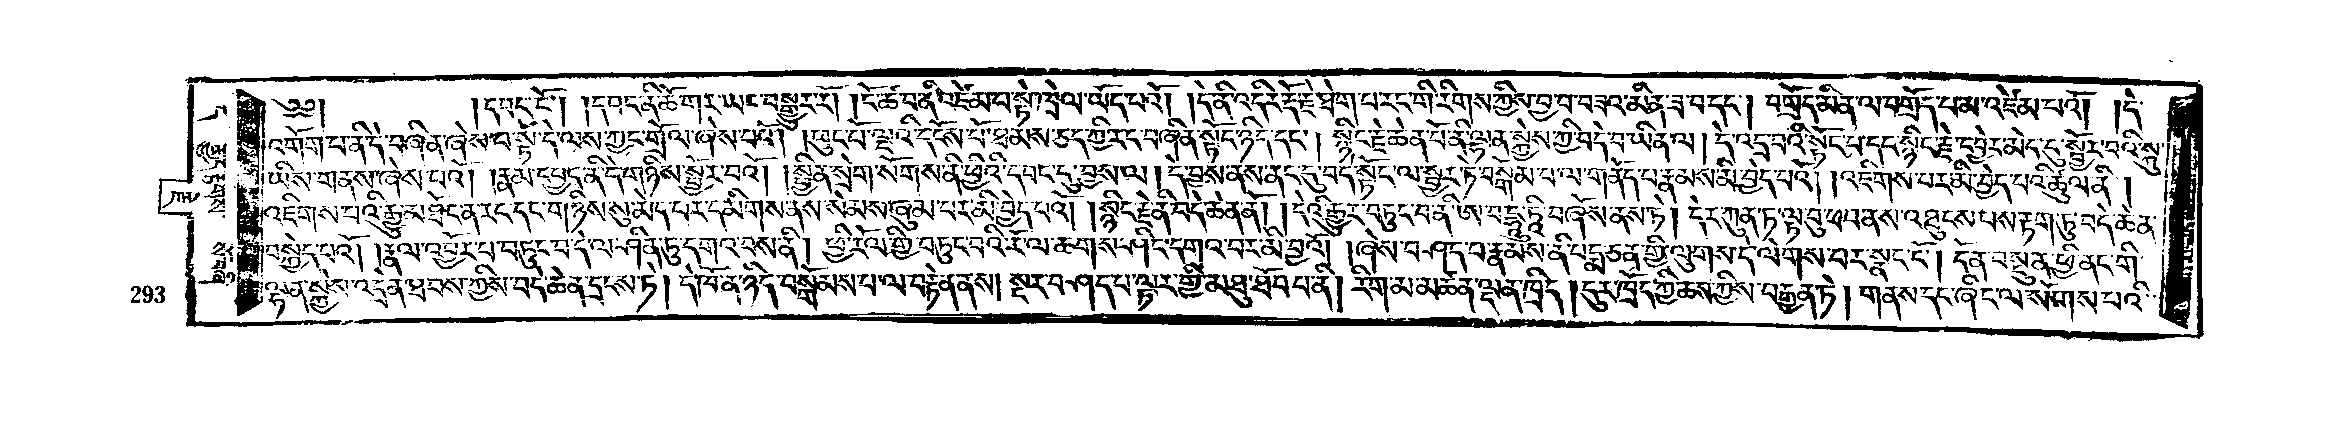༄༅། །དབང་ངོ། །དབང་ནི་ཆོ་གར་ཡང་བསྒྱུར་རོ། །ངོ་ཚ་བ་ནི་འཛེམ་པ་སྟེ་ཁྲེལ་ཡོད་པའོ། །དེ་ནི་འདིར་རྡོ་རྗེ་ཐེག་པ་རང་གི་རིགས་ཀྱིས་བྱ་བ་བཟའ་མིན་ཟ་བ་དང་། བགྲོད་མིན་ལ་བགྲོད་པ་མ་འཛེམ་པའོ། །དེ་
འགོག་པ་ནི་དེ་བཞིན་ཞེས་པ་སྟོ་དེ་ལས་ཀྱང་གྲོལ་ཞེས་པའོ། །ཕུང་པོ་ལྔའི་དངོས་པོ་ཐམས་ཅད་ཀྱི་རང་བཞིན་སྟོང་ཉིད་དང་། སྙིང་རྗེ་ཆེན་པོ་ནི་ལྷན་སྐྱེས་ཀྱི་བདེ་བ་ཡིན་ལ། དེ་འདྲ་བའི་སྟོང་པ་དང་སྙིང་རྗེ་དབྱེར་མེད་དུ་སྦྱོར་བའི་སྐུ་
ཡིས་གནས་ཞེས་པའོ། །རྣམ་དཔྱད་ནི་དེ་གཉིས་སྦྱོར་བའོ། །སྦྱིན་སྲེག་སོགས་ནི་ཕྱིའི་དབང་དུ་བྱས་ལ། དེ་བྱས་ནས་ནང་དུ་བདེ་སྟོང་ལ་སྦྱར་ཏེ་བསྒོམ་པ་ལ་གནོད་པ་རྣམས་མི་བྱེད་པའོ། །འཇིགས་པར་མི་བྱེད་པའི་ཚུལ་ནི།
འཇིགས་པའི་རྒྱུ་མཐོང་ན་རང་དང་གཉིས་སུ་མེད་པར་དམིགས་ནས་སེམས་ཞུམ་པར་མི་བྱེད་པའོ། །སྙིང་རྗེ་ནི་བདེ་ཆེན་ནོ། །དེའི་རྒྱུར་བཏུང་བ་ནི་ཨ་བ་དྷཱུ་ཏཱི་བཞོས་ནས་ཏེ། དེར་ཀུན་ཏ་ལྟ་བུ་ཕབ་ནས་འཐུངས་པས་རྟག་ཏུ་བདེ་ཆེན་
བསྐྱེད་པའོ། །རྣལ་འབྱོར་པ་བཏུང་བ་དེ་ལ་ཤིན་ཏུ་དགའ་བས་ནི། ཕྱི་རོལ་གྱི་བཏུང་བའི་རོ་ལ་ཆགས་ཤིང་དགའ་བར་མི་བྱའོ། །ཞེས་བཤད་པ་རྣམས་ནི་པདམ་ཅན་གྱི་ལུགས་དེ་ལེགས་པར་སྣང་ངོ། དོན་བསྡུ་ན་ཕྱི་ནང་གི་
ལྷན་སྐྱེས་འདྲེན་ཐབས་ཀྱིས་བདེ་ཆེན་དྲངས་ཏེ། དེ་ཁོ་ན་ཉིད་བསྒོམས་པ་ལ་བརྟེན་ནས། སྔར་བཤད་པ་ལྟར་གྱི་མཐུ་ཐོབ་པ་ནི། རིག་མ་མཚན་ལྡན་ཁྲིད། དུར་ཁྲོད་ཀྱི་ཆས་ཀྱིས་བརྒྱན་ཏེ། གནས་དང་ཞིང་ལ་སོགས་པའི་